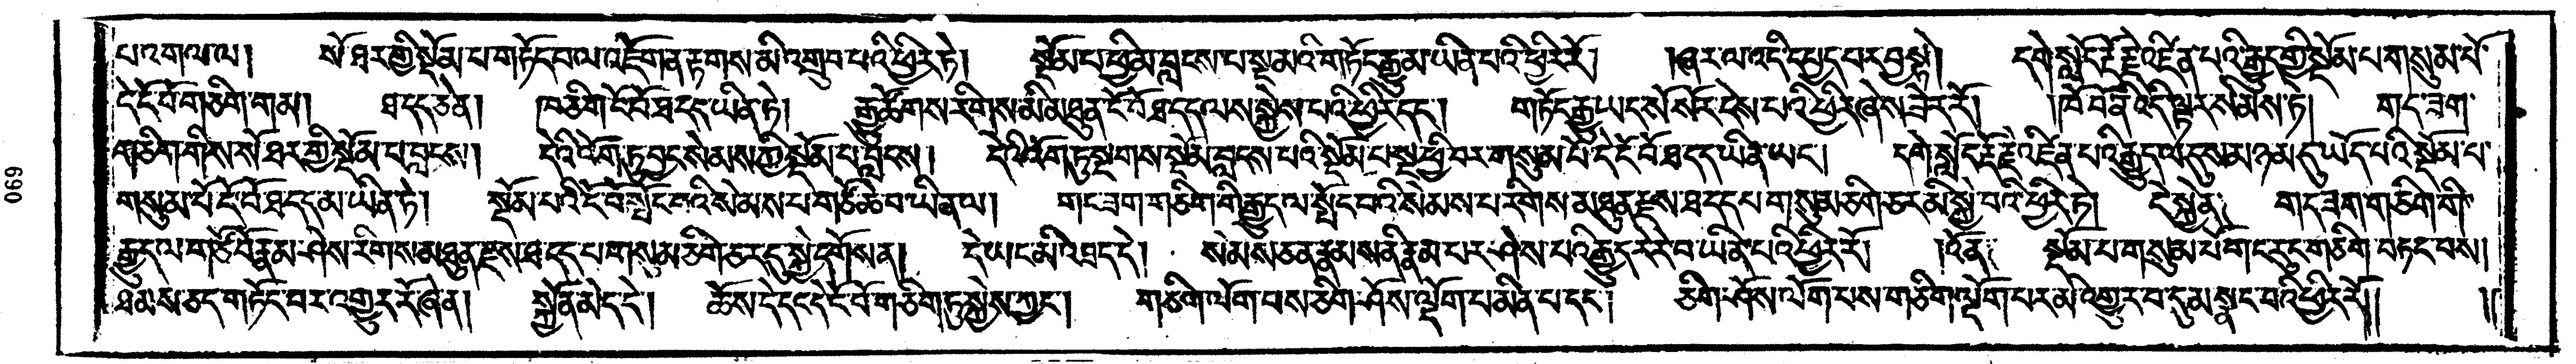པ་འགལ་ལ། སོ་ཐར་གྱི་སྡོམ་པ་གཏོད་པ་ལ་འཇོག་ན་རྟགས་མི་འགྲུབ་པའི་ཕྱིར་ཏེ། སྡོམ་པ་ཕྱི་མ་བླངས་པ་སྔ་མའི་གཏོང་རྒྱུ་མ་ཡིན་པའི་ཕྱིར་རོ། །ཞར་ལ་འདི་དཔྱད་པར་བྱ་སྟེ། དགེ་སློང་རྡོ་རྗེ་འཛིན་པའི་རྒྱུད་ཀྱི་སྡོམ་པ་གསུམ་པོ་
དེ་ངོ་བོ་གཅིག་གམ། ཐ་དད་ཅེ་ན། ཁ་ཅིག་ངོ་བོ་ཐ་དད་ཡིན་ཏེ། རྒྱུ་ཚོགས་རིགས་མི་མཐུན་ངོ་བོ་ཐ་དད་ལས་སྐྱེས་པའི་ཕྱིར་དང་། གཏོང་རྒྱུ་ཡང་སོ་སོར་དེས་པའི་ཕྱིར་ཞེས་ཟེར་རོ། །ཁོ་བོ་ནི་འདི་ལྟར་སེམས་ཏེ། གང་ཟག་
གཅིག་གིས་སོ་ཐར་གྱི་སྡོམ་པ་བླངས། དེའི་འོག་ཏུ་བྱང་སེམས་ཀྱི་སྡོམ་པ་བླངས། དེའི་འོག་ཏུ་སྔགས་སྡོམ་བླངས་པའི་སྡོམ་པ་སྔ་ཕྱི་བར་གསུམ་པོ་དེ་ངོ་བོ་ཐ་དད་ཡིན་ཡང་། དགེ་སློང་རྡོ་རྗེ་འཛིན་པའི་རྒྱུད་ལ་དུས་མཉམ་དུ་ཡོད་པའི་སྡོམ་པ་
གསུམ་པོ་ངོ་བོ་ཐ་དད་མ་ཡིན་ཏེ། སྡོམ་པའི་ངོ་བོ་སྤོང་བའི་སེམས་པ་གཙོ་ཆེ་བ་ཡིན་ལ། གང་ཟག་གཅིག་གི་རྒྱུད་ལ་སྤོང་བའི་སེམས་པ་རིགས་མཐུན་རྫས་ཐ་དད་པ་གསུམ་ཅིག་ཅར་མི་སྐྱེ་བའི་ཕྱིར་ཏེ། དེ་སྐྱེ་ན༑ གང་ཟག་གཅིག་གི་
རྒྱུད་ལ་གཙོ་བོ་རྣམ་ཤེས་རིགས་མཐུན་རྫས་ཐ་དད་པ་གསུམ་ཅིག་ཅར་དུ་སྐྱེ་དགོས་ན། དེ་ཡང་མི་འཐད་དེ། སེམས་ཅན་རྣམས་ནི་རྣམ་པར་ཤེས་པའི་རྒྱུད་རེ་རེ་བ་ཡིན་པའི་ཕྱིར་རོ། །འོ་ན༑ སྡོམ་པ་གསུམ་པོ་གང་རུང་གཅིག་བཏང་བས།
ཐམས་ཅད་གཏོང་བར་འགྱུར་རོ་ཞེ་ན། སྐྱོན་མེད་དེ། ཆོས་དེ་དང་དེ་ངོ་བོ་གཅིག་ཏུ་སྐྱེས་ཀྱང་། གཅིག་ལོག་བས་ཅིག་ཤོས་ལྡོག་པ་མིན་པ་དང་། ཅིག་ཤོས་ལོག་པས་གཅིག་ལྡོག་པར་མི་འགྱུར་བ་དུམ་སྣང་བའི་ཕྱིར་རོ།། །།